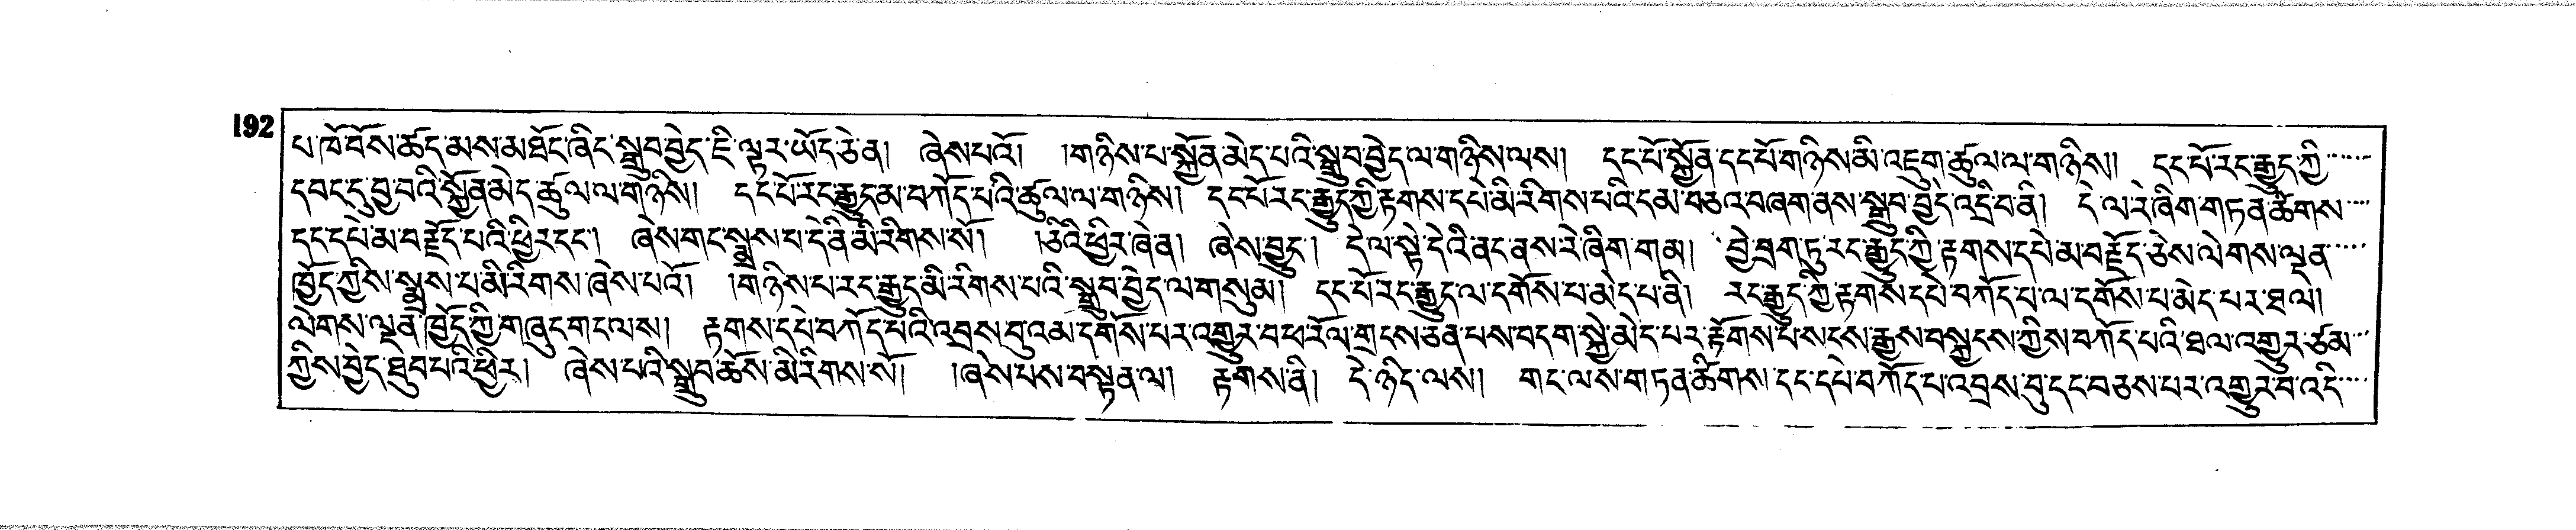པ་ཁོ་བོས་ཚད་མས་མཐོང་ཞིང་སྒྲུབ་བྱེད་ཇི་ལྟར་ཡོད་ཅེ་ན། ཞེས་པའོ། །གཉིས་པ་སྐྱོན་མེད་པའི་སྒྲུབ་བྱེད་ལ་གཉིས་ལས། དང་པོ་སྐྱོན་དང་པོ་གཉིས་མི་འཇུག་ཚུལ་ལ་གཉིས། དང་པོ་རང་རྒྱུད་ཀྱི་
དབང་དུ་བྱ་བའི་སྐྱོན་མེད་ཚུལ་ལ་གཉིས། དང་པོ་རང་རྒྱུད་མ་བཀོད་པའི་ཚུལ་ལ་གཉིས། དང་པོ་རང་རྒྱུད་ཀྱི་རྟགས་དཔེ་མི་རིགས་པའི་དམ་བཅའ་བཞག་ནས་སྒྲུབ་བྱེད་འདྲི་བ་ནི། དེ་ལ་རེ་ཞིག་གཏན་ཚིགས་
དང་དཔེ་མ་བརྗོད་པའི་ཕྱིར་དང་། ཞེས་གང་སྨྲས་པ་དེ་ནི་མི་རིགས་སོ། །ཅིའི་ཕྱིར་ཞེ་ན། ཞེས་བྱུང་། དེ་ལ་སྟེ་དེའི་ནང་ནས་རེ་ཞིག་གམ། བྱེ་བྲག་ཏུ་རང་རྒྱུད་ཀྱི་རྟགས་དཔེ་མ་བརྗོད་ཅེས་ལེགས་ལྡན་
ཁྱོད་ཀྱིས་སྨྲས་པ་མི་རིགས་ཞེས་པའོ། །གཉིས་པ་རང་རྒྱུད་མི་རིགས་པའི་སྒྲུབ་བྱེད་ལ་གསུམ། དང་པོ་རང་རྒྱུད་ལ་དགོས་པ་མེད་པ་ནི། རང་རྒྱུད་ཀྱི་རྟགས་དཔེ་བཀོད་པ་ལ་དགོས་པ་མེད་པར་ཐལ།
ལེགས་ལྡན་ཁྱོད་ཀྱི་གཞུང་གང་ལས། རྟགས་དཔེ་བཀོད་པའི་འབྲས་བུ་འམ་དགོས་པར་འགྱུར་བ་ཕ་རོལ་གྲངས་ཅན་པས་བདག་སྐྱེ་མེད་པར་རྟོགས་པ་སངས་རྒྱས་བསྐྱངས་ཀྱིས་བཀོད་པའི་ཐལ་འགྱུར་ཙམ་
ཀྱིས་བྱེད་ཐུབ་པའི་ཕྱིར། ཞེས་པའི་སྒྲུབ་ཆོས་མི་རིགས་སོ། །ཞེས་པས་བསྟན་ལ། རྟགས་ནི། དེ་ཉིད་ལས། གང་ལས་གཏན་ཚིགས་དང་དཔེ་བཀོད་པ་འབྲས་བུ་དང་བཅས་པར་འགྱུར་བ་འདི་